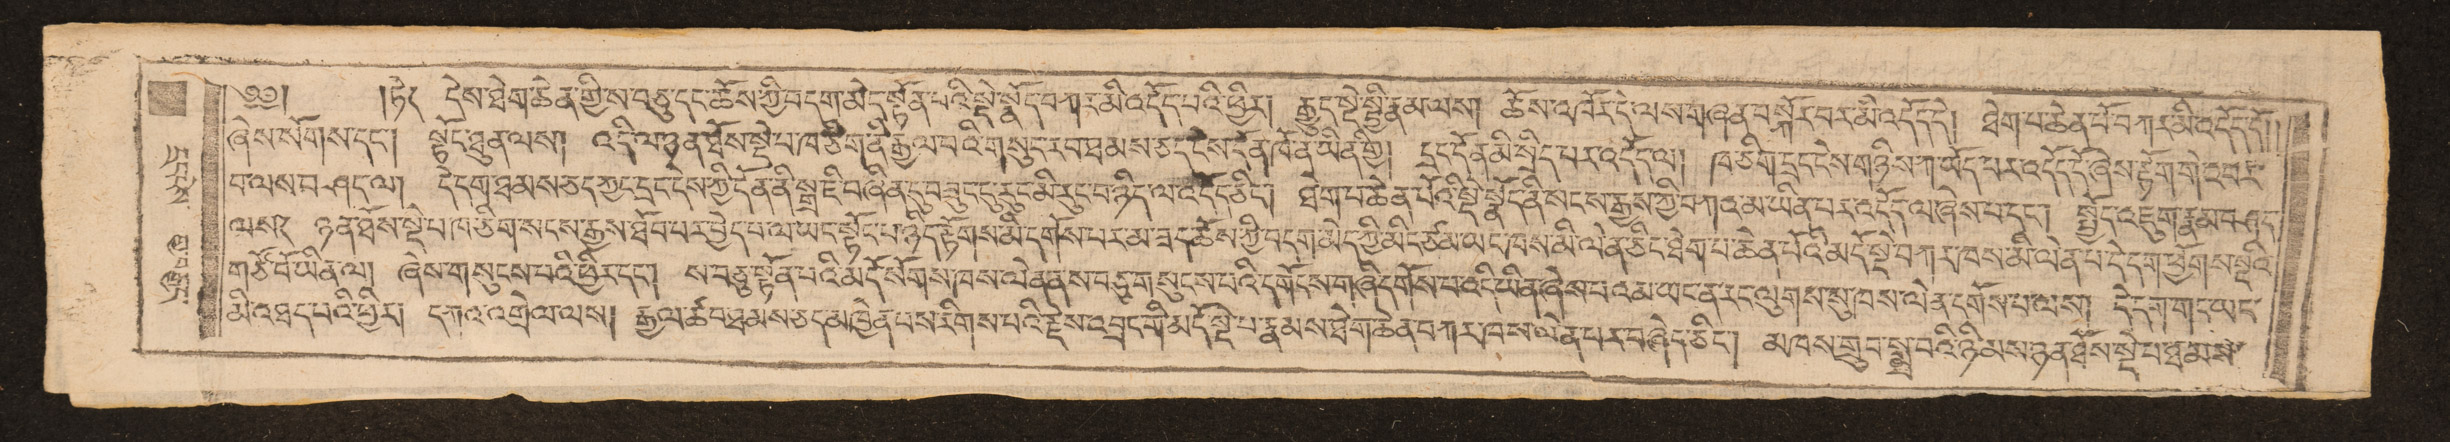༄༅། །ཏེ༑ དེས་ཐེག་ཆེན་གྱིས་བཅུ་དང་ཆོས་ཀྱི་བདག་མེད་སྟོན་པའི་སྡེ་སྣོད་བཀར་མི་འདོད་པའི་ཕྱིར། རྒྱུད་སྡེ་སྤྱི་རྣམ་ལས། ཆོས་འཁོར་དེ་ལས་གཞན་བསྐོར་བར་མི་འདོད་དེ། ཐེག་པ་ཆེན་པོ་བཀར་མི་འདོད་དོ།།
ཞེས་སོགས་དང་། སྟོང་ཐུན་ལས། འདི་ལ་ཉན་ཐོས་སྡེ་པ་ཁ་ཅིག་ནི་རྒྱལ་བའི་གསུང་རབ་ཐམས་ཅད་ངེས་དོན་ཁོ་ན་ཡིན་གྱི། དྲང་དོན་མི་སྲིད་པར་འདོད་ལ། ཁ་ཅིག་དྲང་ངེས་གཉིས་ཀ་ཡོད་པར་འདོད་དོ་ཞེས་རྟོག་གེ་འབར་
བ་ལས་བཤད་ལ། དེ་དག་ཐམས་ཅད་ཀྱང་དྲང་ངེས་ཀྱི་དོན་ནི་སྒྲ་ཇི་བཞིན་དུ་བཟུང་དུ་རུང་མི་རུང་བ་ཉིད་ལ་འདོད་ཅིང་། ཐེག་པ་ཆེན་པོའི་སྡེ་སྣོད་ནི་སངས་རྒྱས་ཀྱི་བཀའ་མ་ཡིན་པར་འདོད་ལ་ཞེས་པ་དང་། སྤྱོད་འཇུག་རྣམ་བཤད་
ལས༑ ཉན་ཐོས་སྡེ་བ་ཁ་ཅིག་སངས་རྒྱས་ཐོབ་པར་བྱེད་པ་ལ་ཡང་སྟོང་པ་ཉིད་རྟོགས་མི་དགོས་པར་མ་ཟད་ཆོས་ཀྱི་བདག་མེད་ཀྱི་མིང་ཙམ་ཡང་ཁས་མི་ལེན་ཅིང་ཐེག་པ་ཆེན་པོའི་མདོ་སྡེ་བཀར་ཁས་མི་ལེན་པ་དེ་དག་ཕྱོགས་སྔའི་
གཙོ་བོ་ཡིན་ལ། ཞེས་གསུངས་པའི་ཕྱིར་དང་། ས་བཅུ་སྟོན་པའི་མདོ་སོགས་ཁས་ལེན་ན་ས་བཅུ་གསུངས་པའི་དགོངས་གཞི་དགོས་པ་འདི་ཡིན་ཞེས་བའམ་ཡང་ན་རང་ལུགས་སུ་ཁས་ལེན་དགོས་པ་ལས། དེ་དག་གང་ཡང་
མི་འཐད་པའི་ཕྱིར། དཀའ་འགྲེལ་ལས། རྒྱལ་ཚབ་ཐམས་ཅད་མཁྱེན་པས་རིགས་པའི་རྗེས་འབྲང་གི་མདོ་སྡེ་བ་རྣམས་ཐེག་ཆེན་བཀར་ཁས་ལེན་པར་བཞེད་ཅིང་། མཁས་གྲུབ་སྨྲ་བའི་ཉི་མས་ཉན་ཐོས་སྡེ་བ་ཐམས་